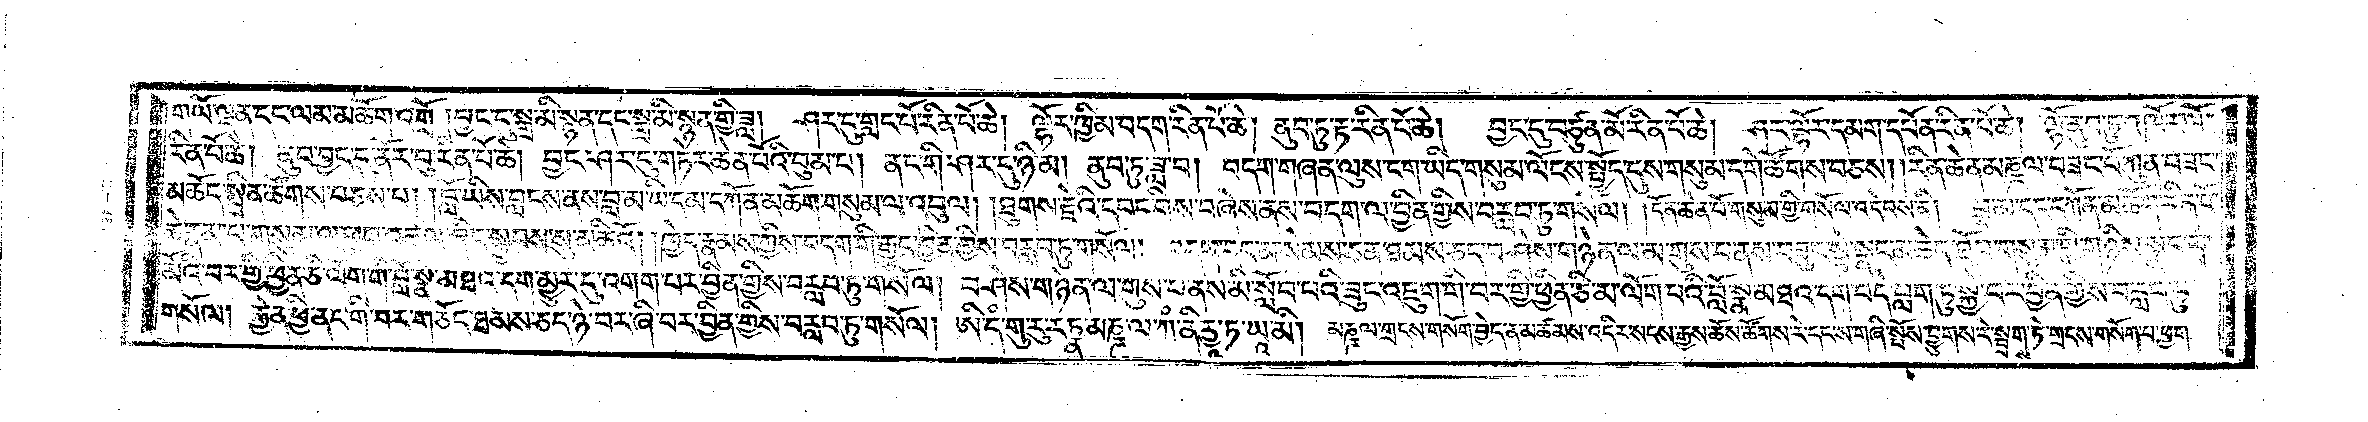གཡོ་ལྡན་དང་ལམ་མཆོག་འགྲོ་།བྱང་དུ་སྒྲ་མི་སྙན་དང་སྒྲ་མི་སྙན་གྱི་ཟླ། །ཤར་དུ་གླང་པོ་རིན་པོ་ཆེ། ལྷོར་ཁྱིམ་བདག་རིན་པོ་ཆེ། ནུབ་རུ་རྟ་རིན་པོ་ཆེ། །བྱང་དུ་བཙུན་མོ་རིན་པོ་ཆེ། །ཤར་ལྷོར་དམར་དབོན་རིན་པོ་ཆེ། ལྷོ་ནུབ་ཏུ་འཁོར་ལོ་
རིན་པོ་ཆེ། ནུབ་བྱང་དུ་ནོར་བུ་རིན་པོ་ཚེ། བྱང་ཤར་དུ་གཏེར་ཆེན་པོའི་བུམ་པ། ནང་གི་ཤར་དུ་ཉི་མ་ནུབ་ཏུ་ཟླ་བ། །བདག་གཞན་ལུས་ངག་ཡིད་གསུམ་ལོངས་སྤྱོད་དུས་གསུམ་དགེ་ཚོགས་བཅས། །རིན་ཆེན་མཎྜལ་བཟང་པོ་ཀུན་བཟང་
མཆོད་སྤྲིན་ཚོགས་བཅས་པ། །བློ་ཡིས་བླངས་ནས་བླ་མ་ཡི་དམ་དཀོན་མཆོག་གསུམ་ལ་འབུལ། །ཐུགས་རྗེའི་དབང་གིས་བཞེས་ནས་བདག་ལ་བྱིན་གྱིས་བརླབ་ཏུ་གསོལ། །དོན་ཆེན་པོ་གསུམ་གྱི་གསོལ་འདེབས་ནི།  བླ་མ་དང་དཀོན་མཆོག་རིན་པོ་
ཆེ་རྣམ་པ་གསུམ་ལ་ཕྱག་འཚལ་ཞིང་སྐྱབས་སུ་མཆིའོ། །ཁྱེད་རྣམས་ཀྱིས་བདག་གི་རྒྱུད་བྱིན་གྱིས་བརླབ་ཏུ་གསོལ། བདག་དང་མ་སེམས་ཅན་ཐམས་ཅད་བཤེས་གཉེན་ལ་མ་གུས་པ་ནས་བཟུང་སྟེ་སྣང་མཆོད་ཐོབ་གསུམ་གྱི་གཉིས་སྣང་ཕྲ་
མོའི་བར་གྱི་ཕྱིན་ཅི་ལོག་གི་བློ་སྣ་མཐའ་དག་མྱུར་དུ་འགག་པར་བྱིན་གྱིས་བརླབ་ཏུ་གསོལ། །བཤེས་གཉེན་ལ་གུས་པ་ནས་མི་སློབ་པའི་ཟུང་འཇུག་གི་བར་གྱི་ཕྱིན་ཅི་མ་ལོག་པའི་བློ་སྣ་མཐའ་དག་བདེ་བླག་ཏུ་སྐྱེ་བར་བྱིན་གྱིས་བརླབ་ཏུ་
གསོལ། རྐྱེན་ཕྱི་ནང་གི་བར་གཅོད་ཐམས་ཅད་ཉེ་བར་ཞི་བར་བྱིན་གྱིས་བརླབ་ཏུ་གསོལ། ཨིདཾ་གུ་རུ་རཏྣ་མཎྜ་ལ་ཀཾ་ནི་རྱཱ་ཏ་ཨཱ་མི། མཎྜལ་གྲངས་གསོག་བྱེད་ན་མཚམས་འདིར་སངས་རྒྱས་ཆོས་ཚོགས་རེ་དང་ས་གཞི་སྤོས་བྱུགས་རེ་སྦྲགས་ཏེ་གྲངས་གསོག་པ་ཕྱག་